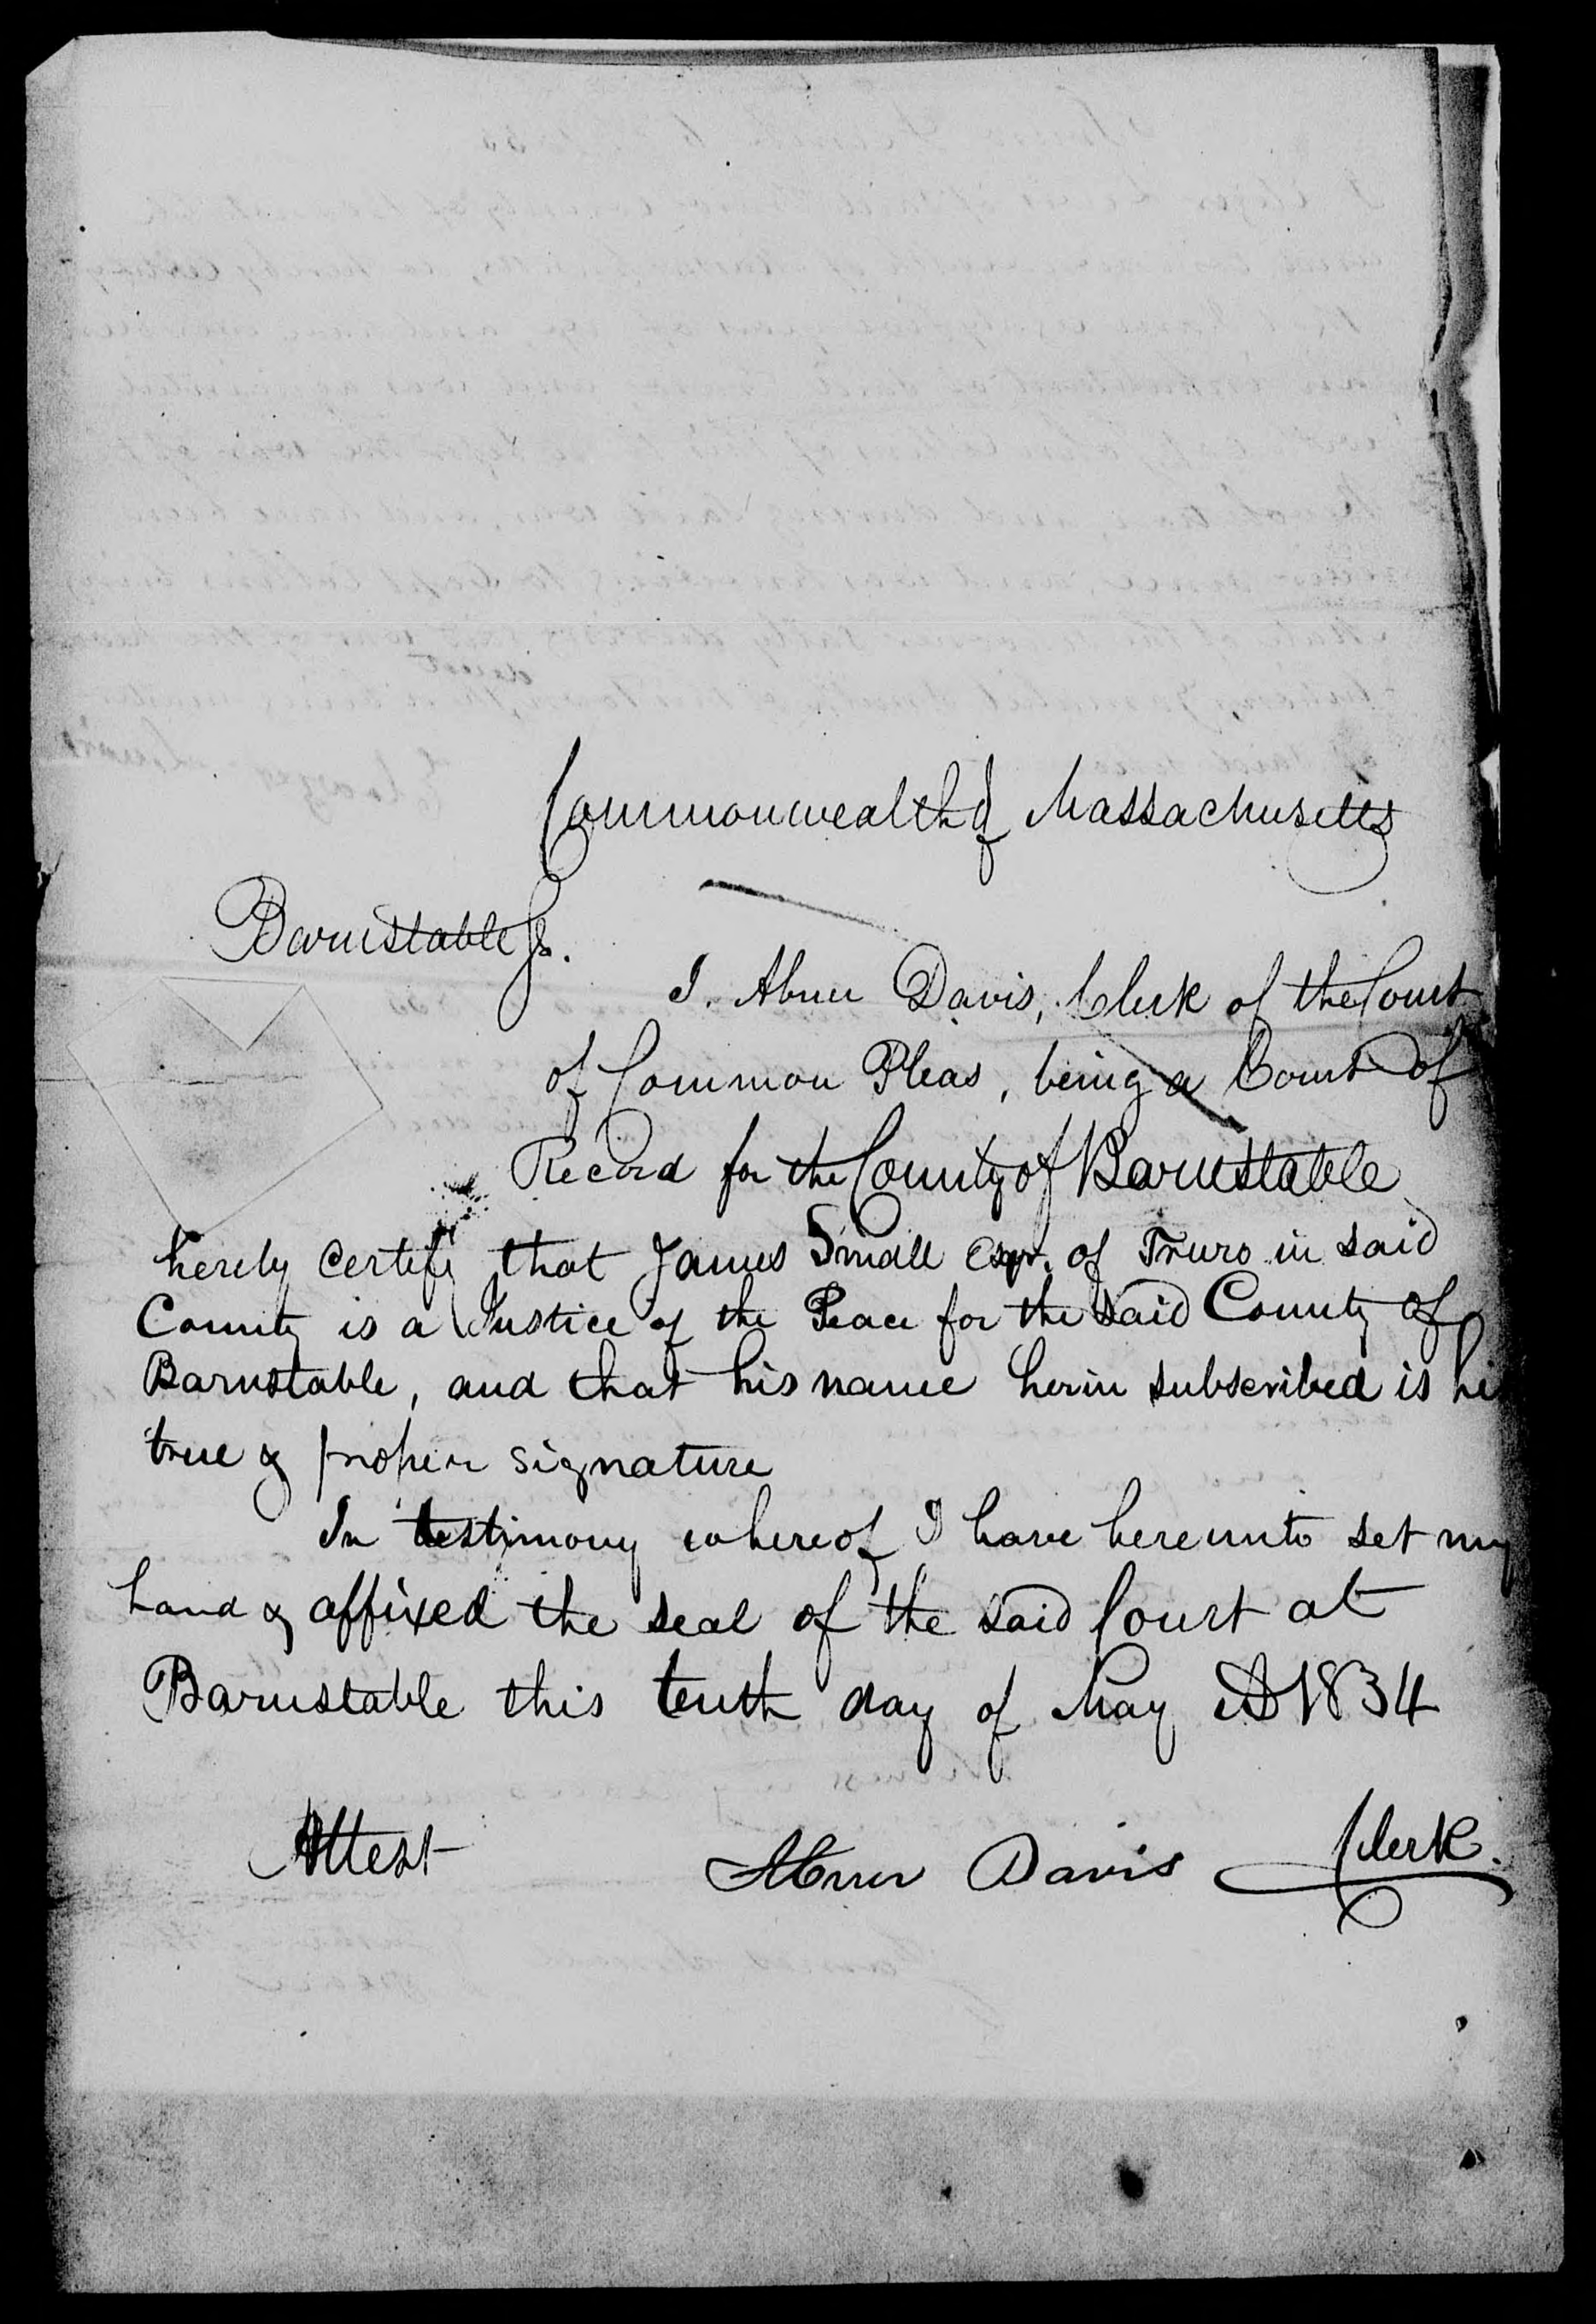Commonwealth of Massachusetts 
Barnstable SS

I, Abner Davis, Clerk of the Court of Common Pleas, being a Court of Record for the County of Barnstable hereby certify that James Small Esq of Truro in said County is a Justice of the Peace for the said County of Barnstable, and that his name herein subscribed is his true & proper signature 

In testimony whereof I have hereunto set my hand & affixed the seal of the said Court at Barnstable this tenth day of May AD 1834 Attest Abner Davis Clerk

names: James Small, Abner Davis, Abner Davis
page: 40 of 43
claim: survivor's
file: S. 29,732, John Collins, Mass. Navy